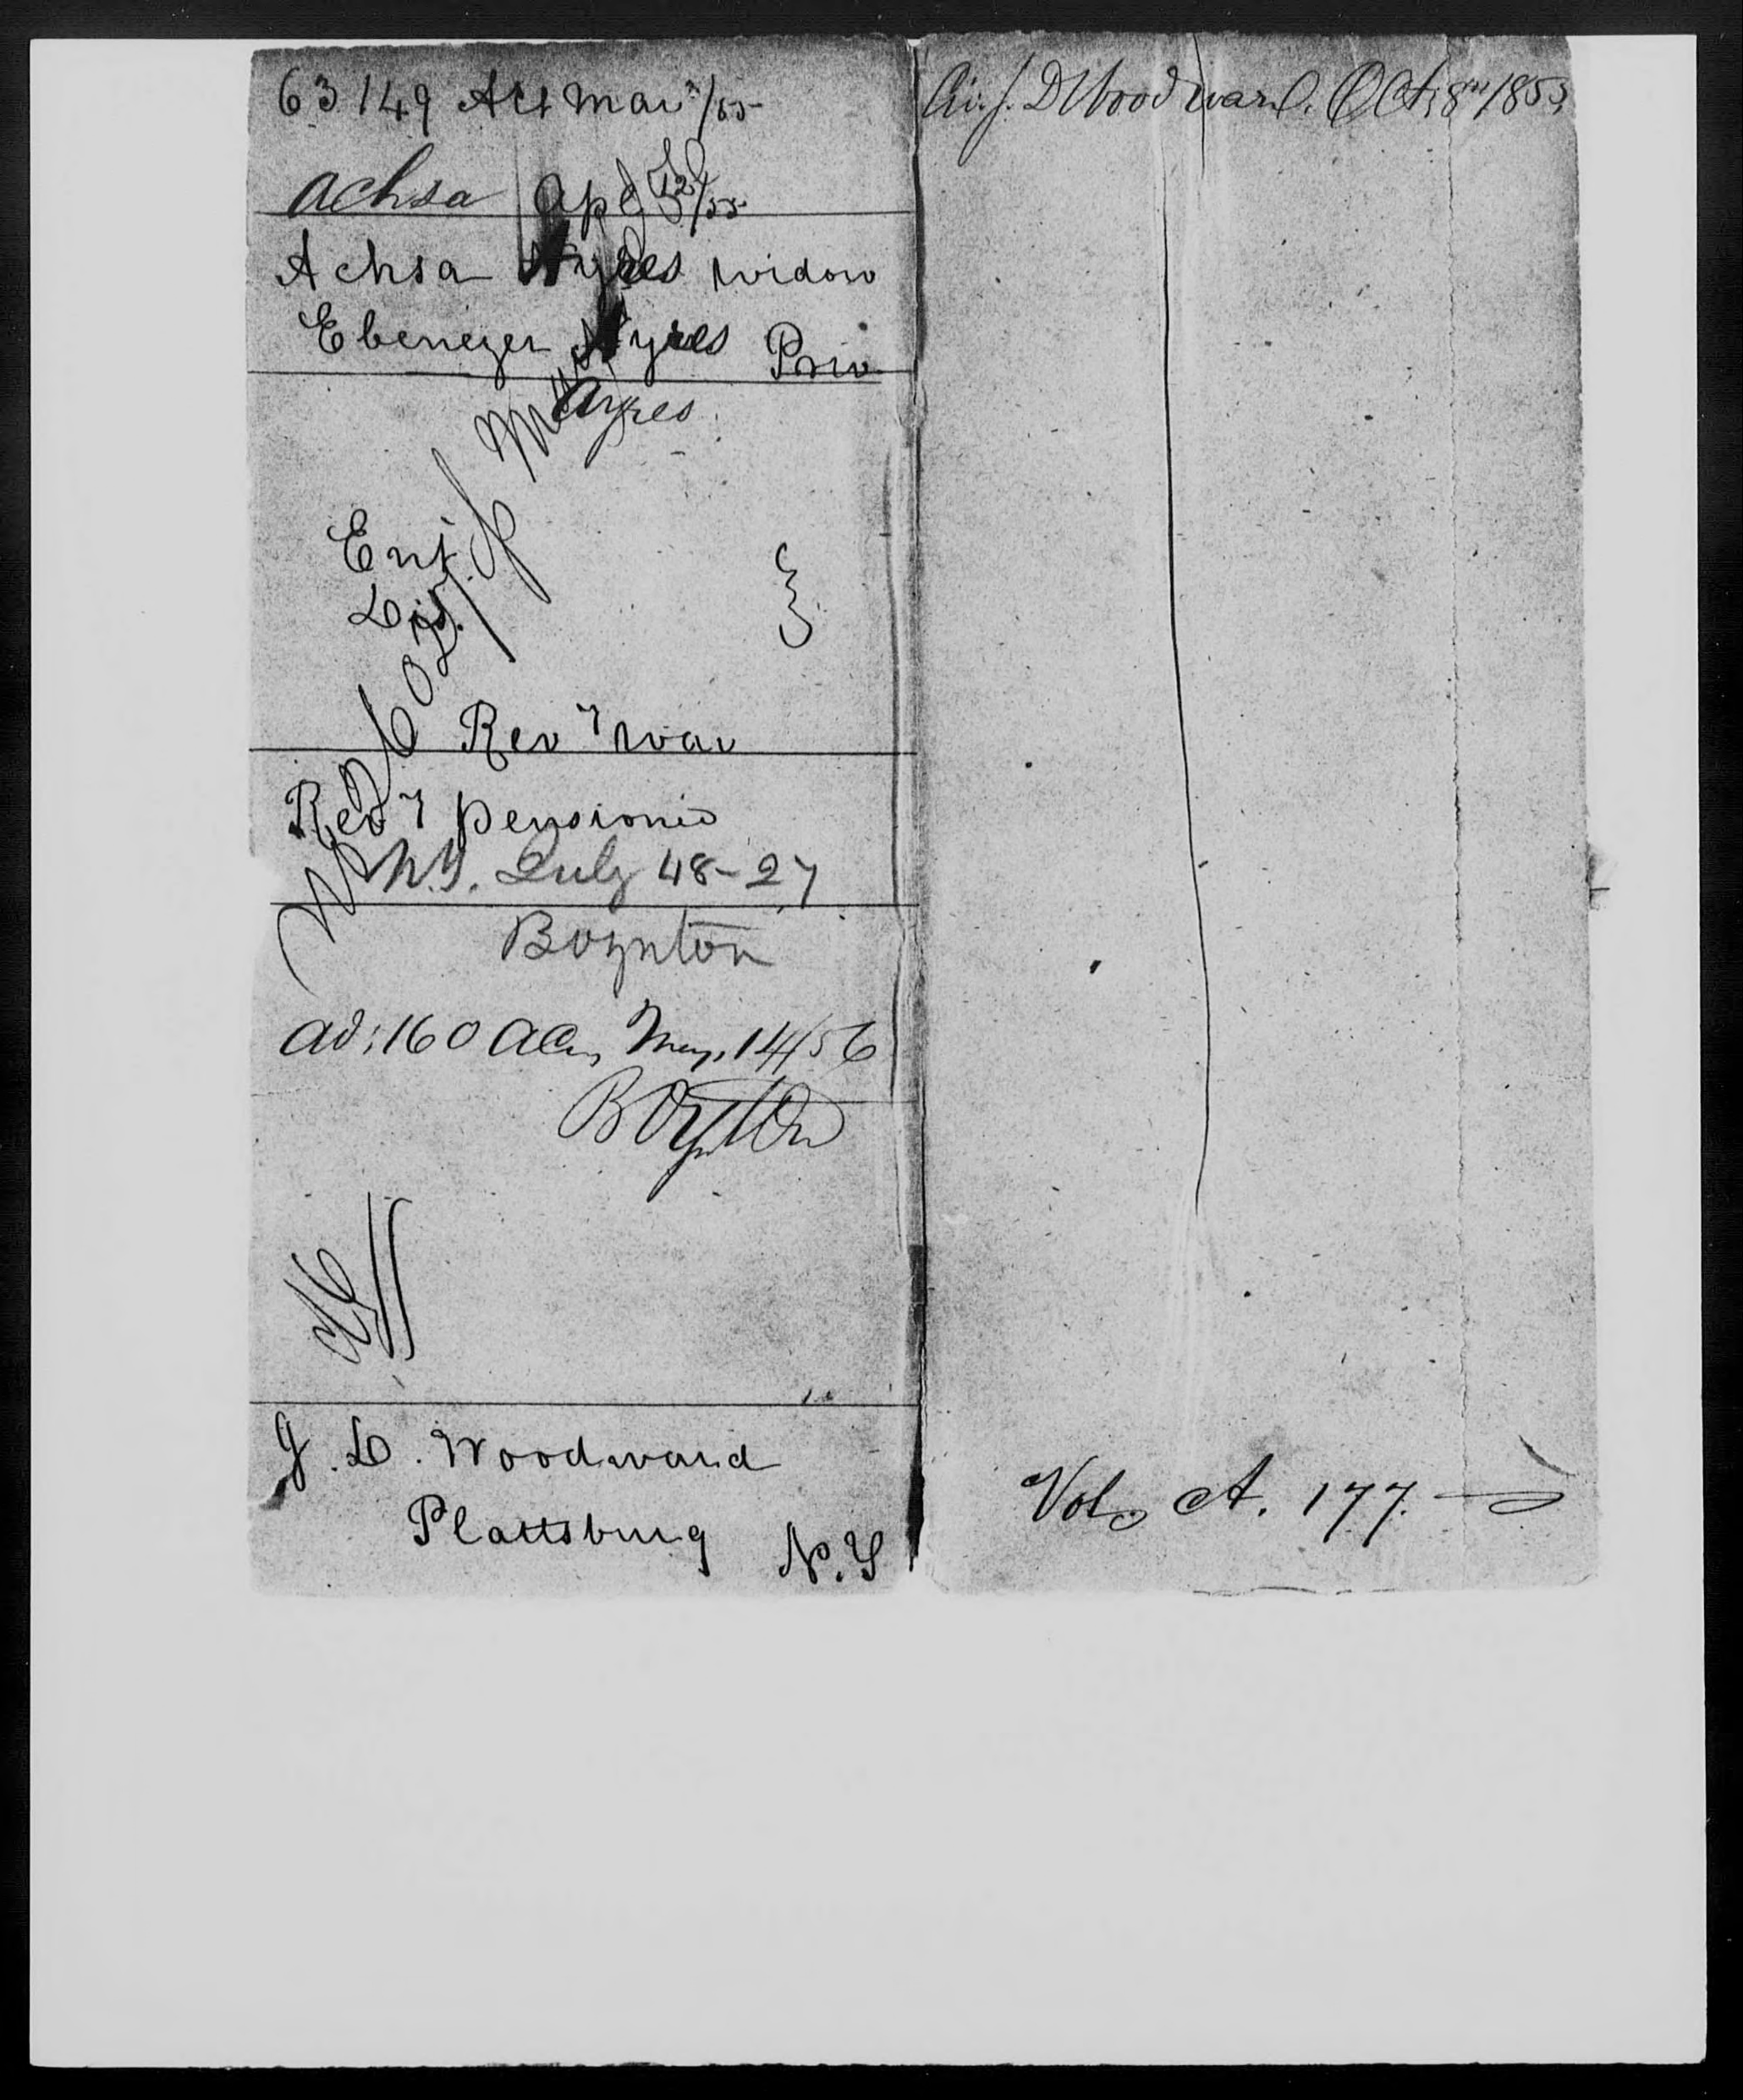63149 Act Mar/55
Achsa Apl. 12/55
Achsa Ayres [Ayers] widow
Ebenezer Ayres Priv
Ayres
Ent. Did.
Rev war
Rev pensioner
N. Y. July 48 - 27
Boynton
ad:  160 acres May 14456
Boynton
J. D. Woodward
Plattsburg N. Y. 
J. D Woodward, Oct. 8th 1853.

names: Achsa Ayres, Ebenezer Ayres, J D Woodward, Achsa, J D Woodward, Boynton, Boynton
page: 16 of 50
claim: widow's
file: W. 8559, Ebenezer Ayer, Continental (Conn)